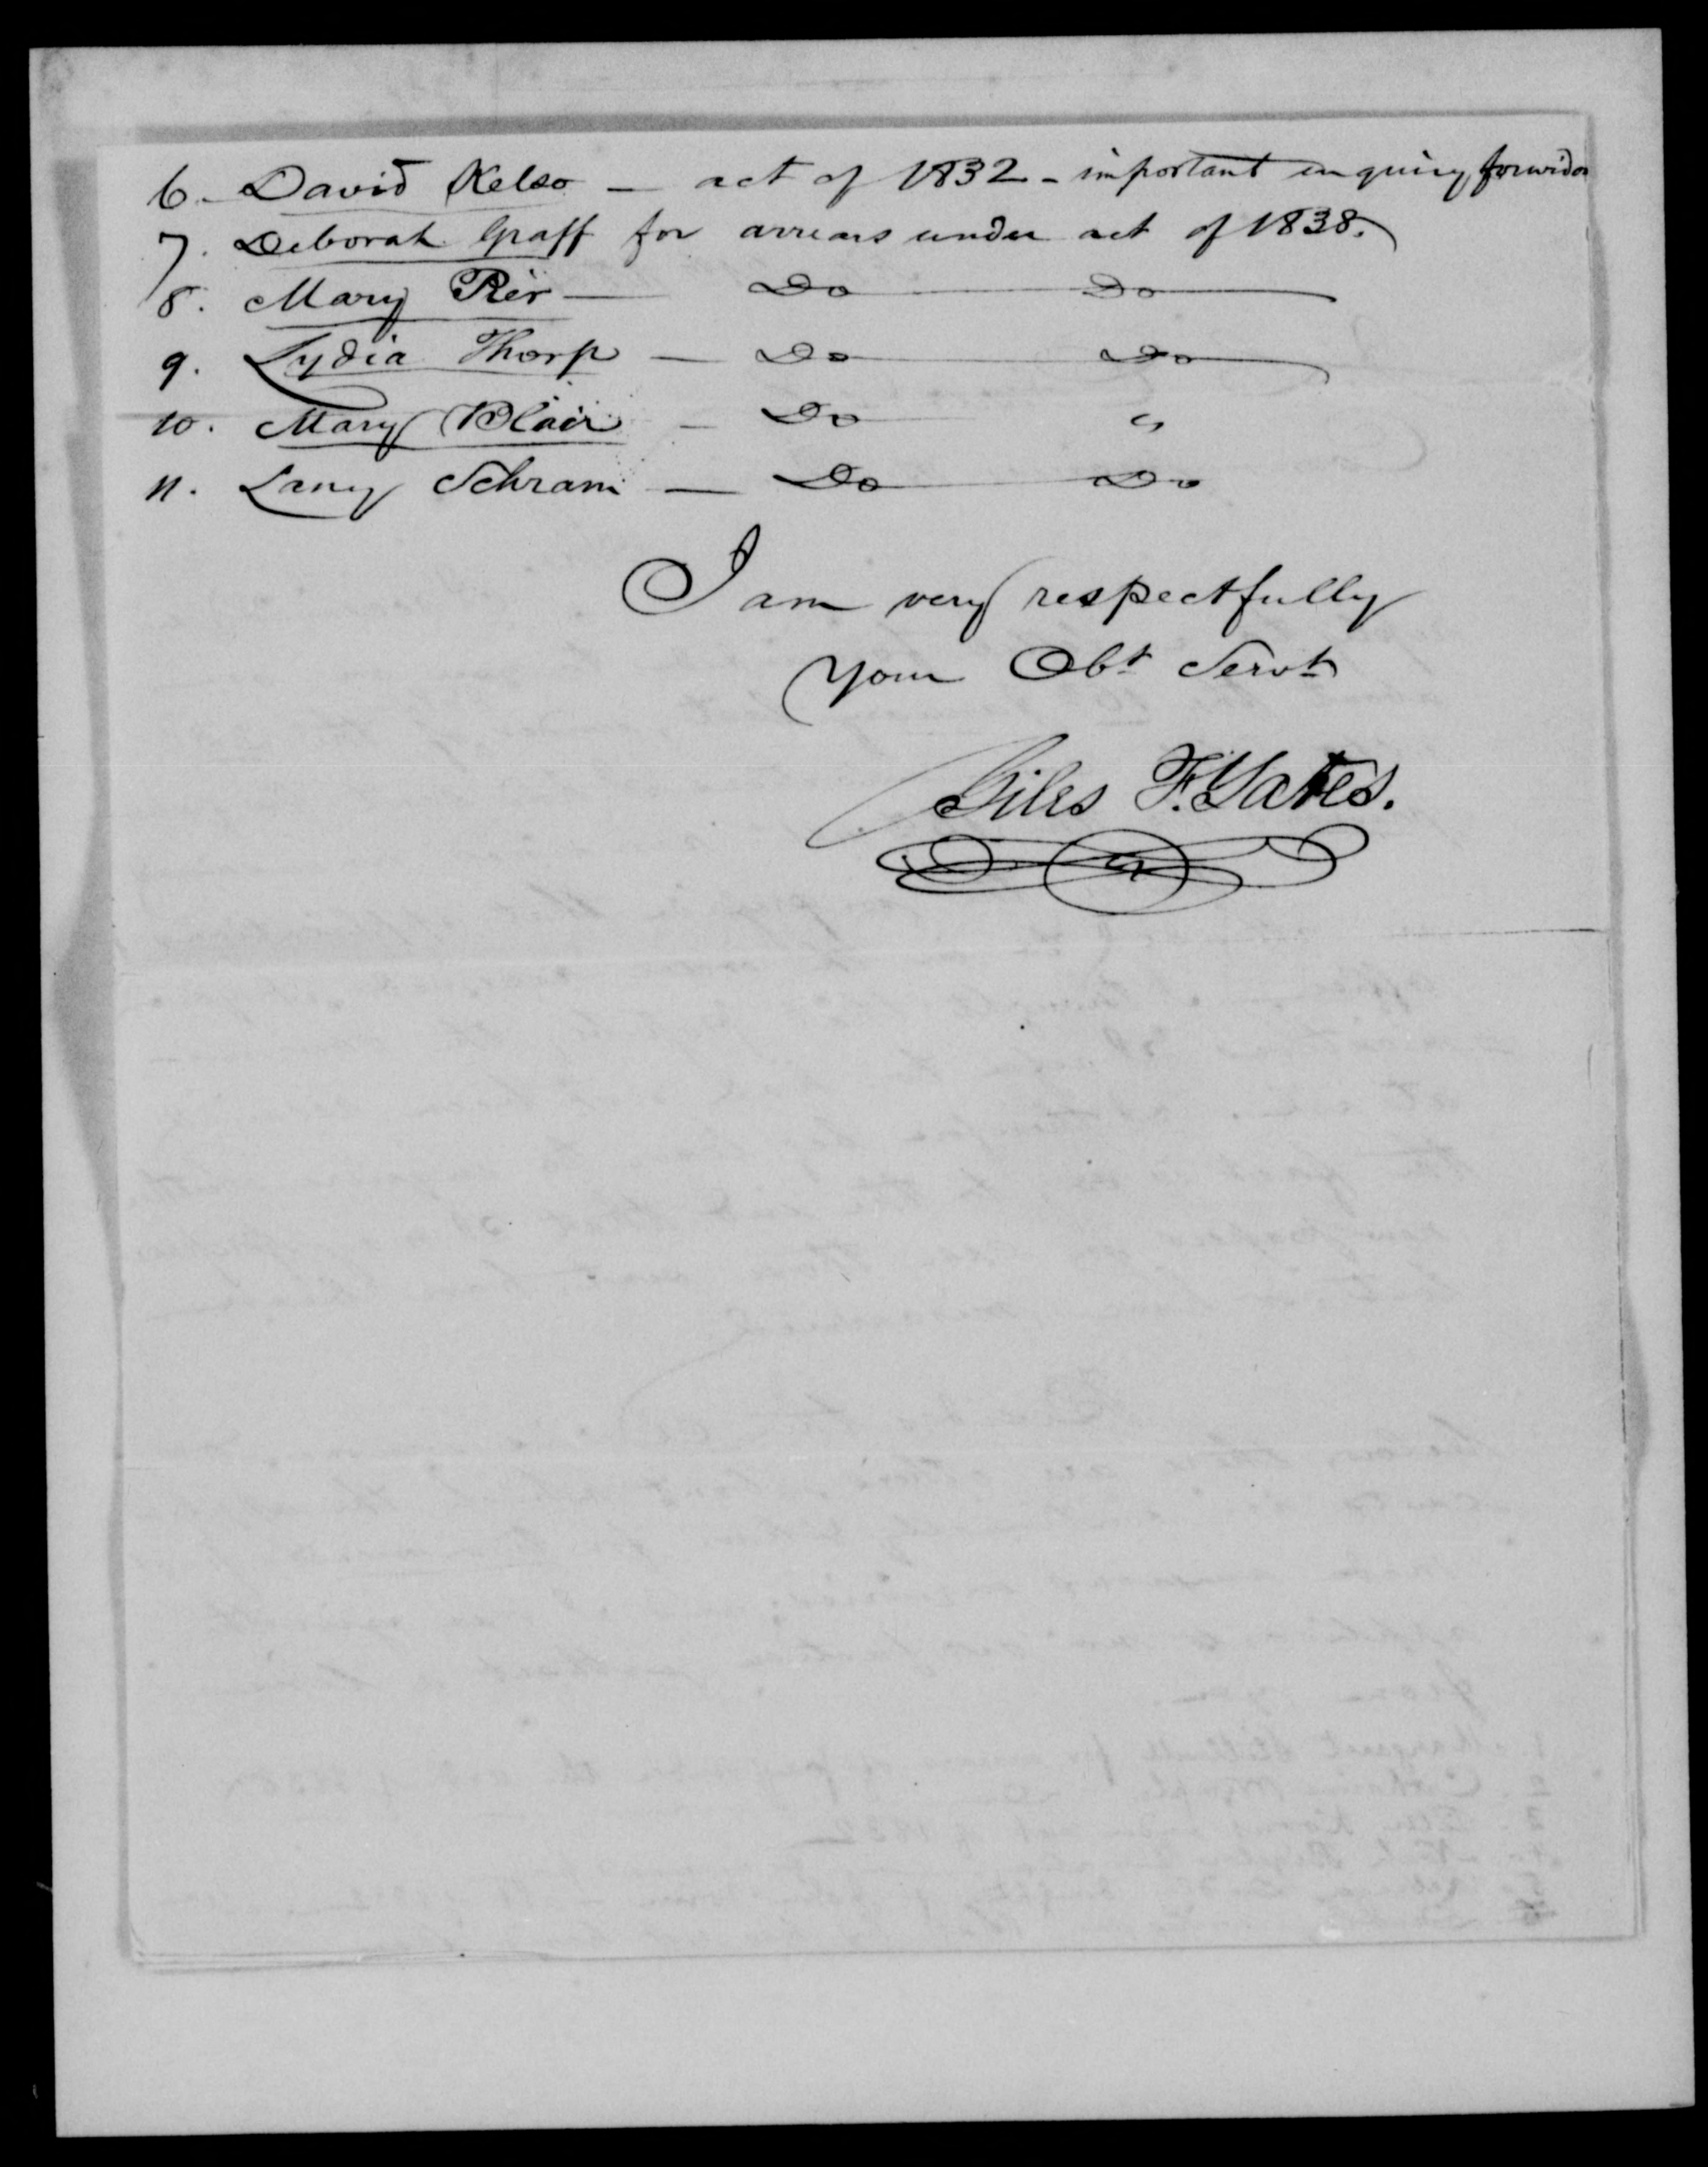6. David Kelso --act of 1832- important inquiry forwider
7. Deborah Graff for arrears under act of 1838.
8. Mary Pier---    Do---------- Do-------------
9. Lydia Thorp---- Do-----------Do-----------
10. Mary Blair-----Do-----------Do-----------
11. Larry Schram----Do----------Do-----------

I am very respectfully
Your Obt Servt
Giles F. Yates.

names: Mary Blair, Lany Schram, Lydia Thorp, Deborah Graff, Giles F Yates, David Kelso, Mary Pier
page: 25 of 51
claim: widow's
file: W. 19604, Myndert B Wemple, New York